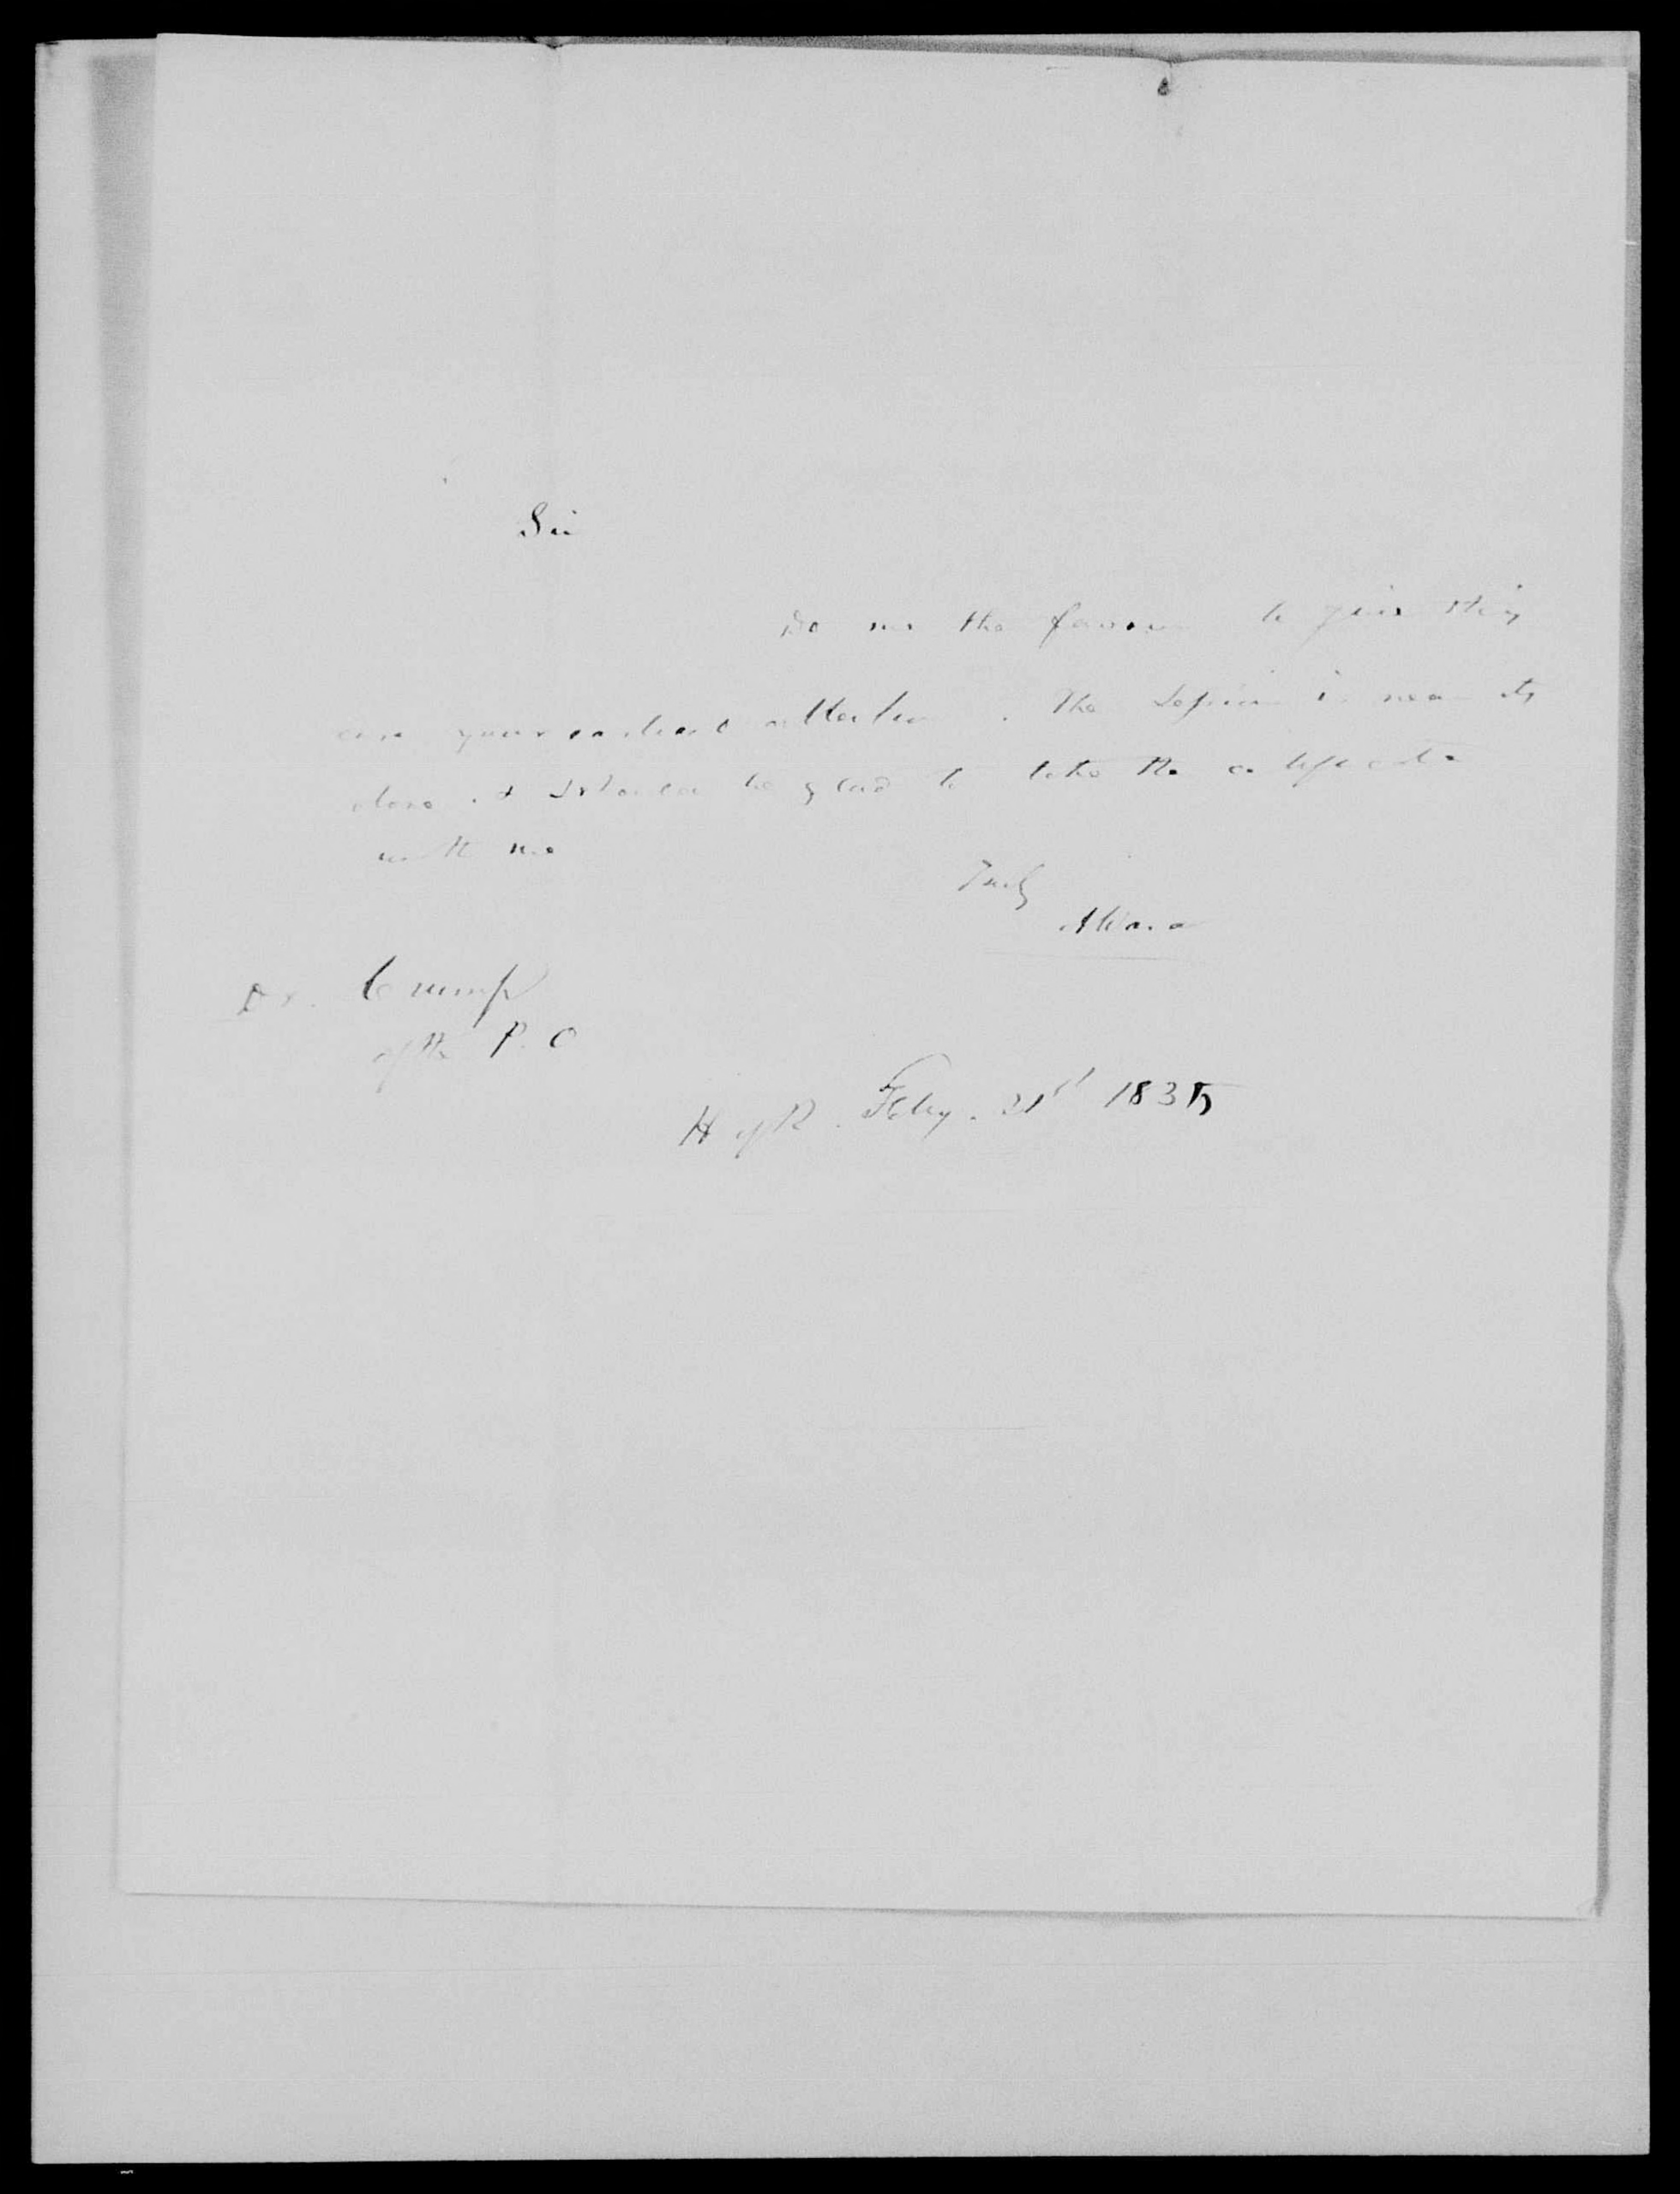Sir
Do me the favor to give this case your earliest attention. The Session is near its close & I should be glad to take the certificate with me
Truly
A Ward

Dr. Crump
of the P.O.

H of R Feby 21st 1835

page: 24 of 33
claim: rejected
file: R. 7,063, for Elisha B Maynard, New York